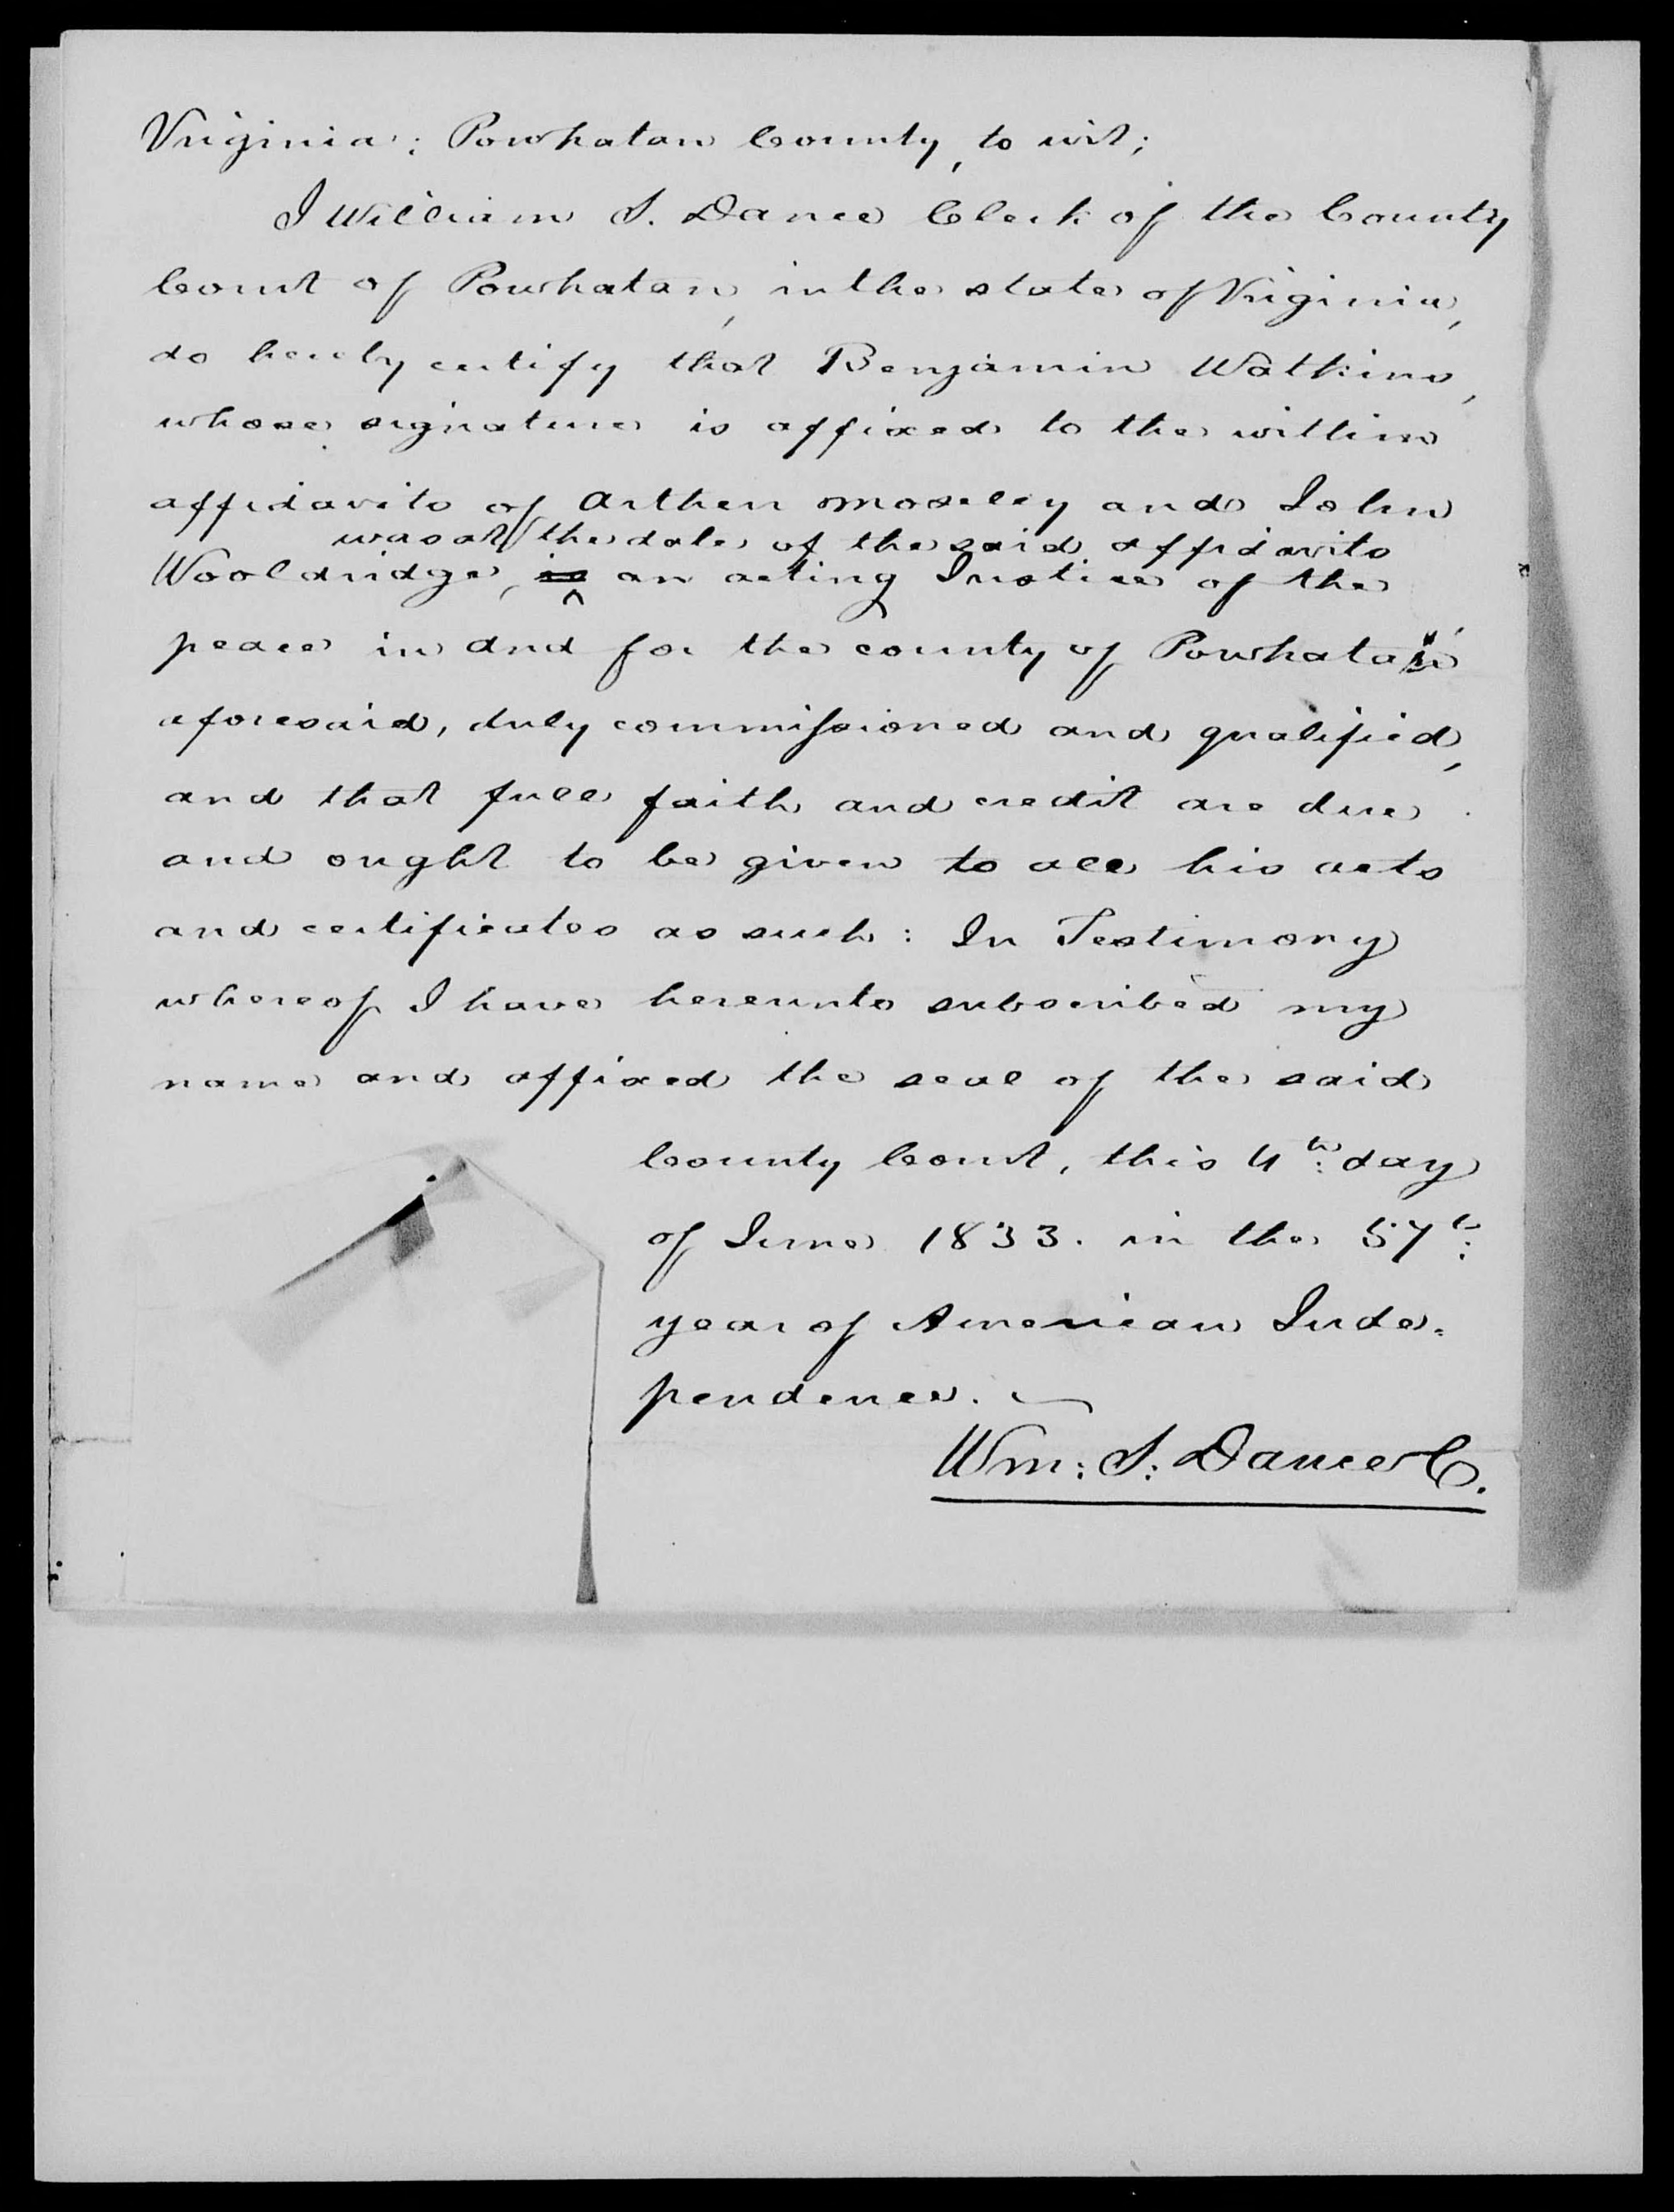Virginia: Powhatan County, to wit;

I William S. Dance Clerk of the County Court of Powhatan in the state of Virginia, do hereby certify that Benjamin Watkins, whose signature is affixed to the within affidavit of Arthur Moseley and John Wooldridge [crossed out text] was at the date of the said affidavit an acting Justice of the peace in and for the county of Powhatan aforesaid, duly commissioned and qualified, and that full faith and credit are due and ought to be given to all his acts and certificates as such:  In Testimony whereof I have hereunto subscribed my name and affixed the seal of the said County Court, this 6th day of June 1833. in the 57th year of American Independence. –

Wm. S. Dance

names: Arthur Moseley; Benjamin Watkins; John Wooldridge; William S Dance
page: 7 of 21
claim: survivor's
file: S. 7240, for Arthur Moseley, Virginia